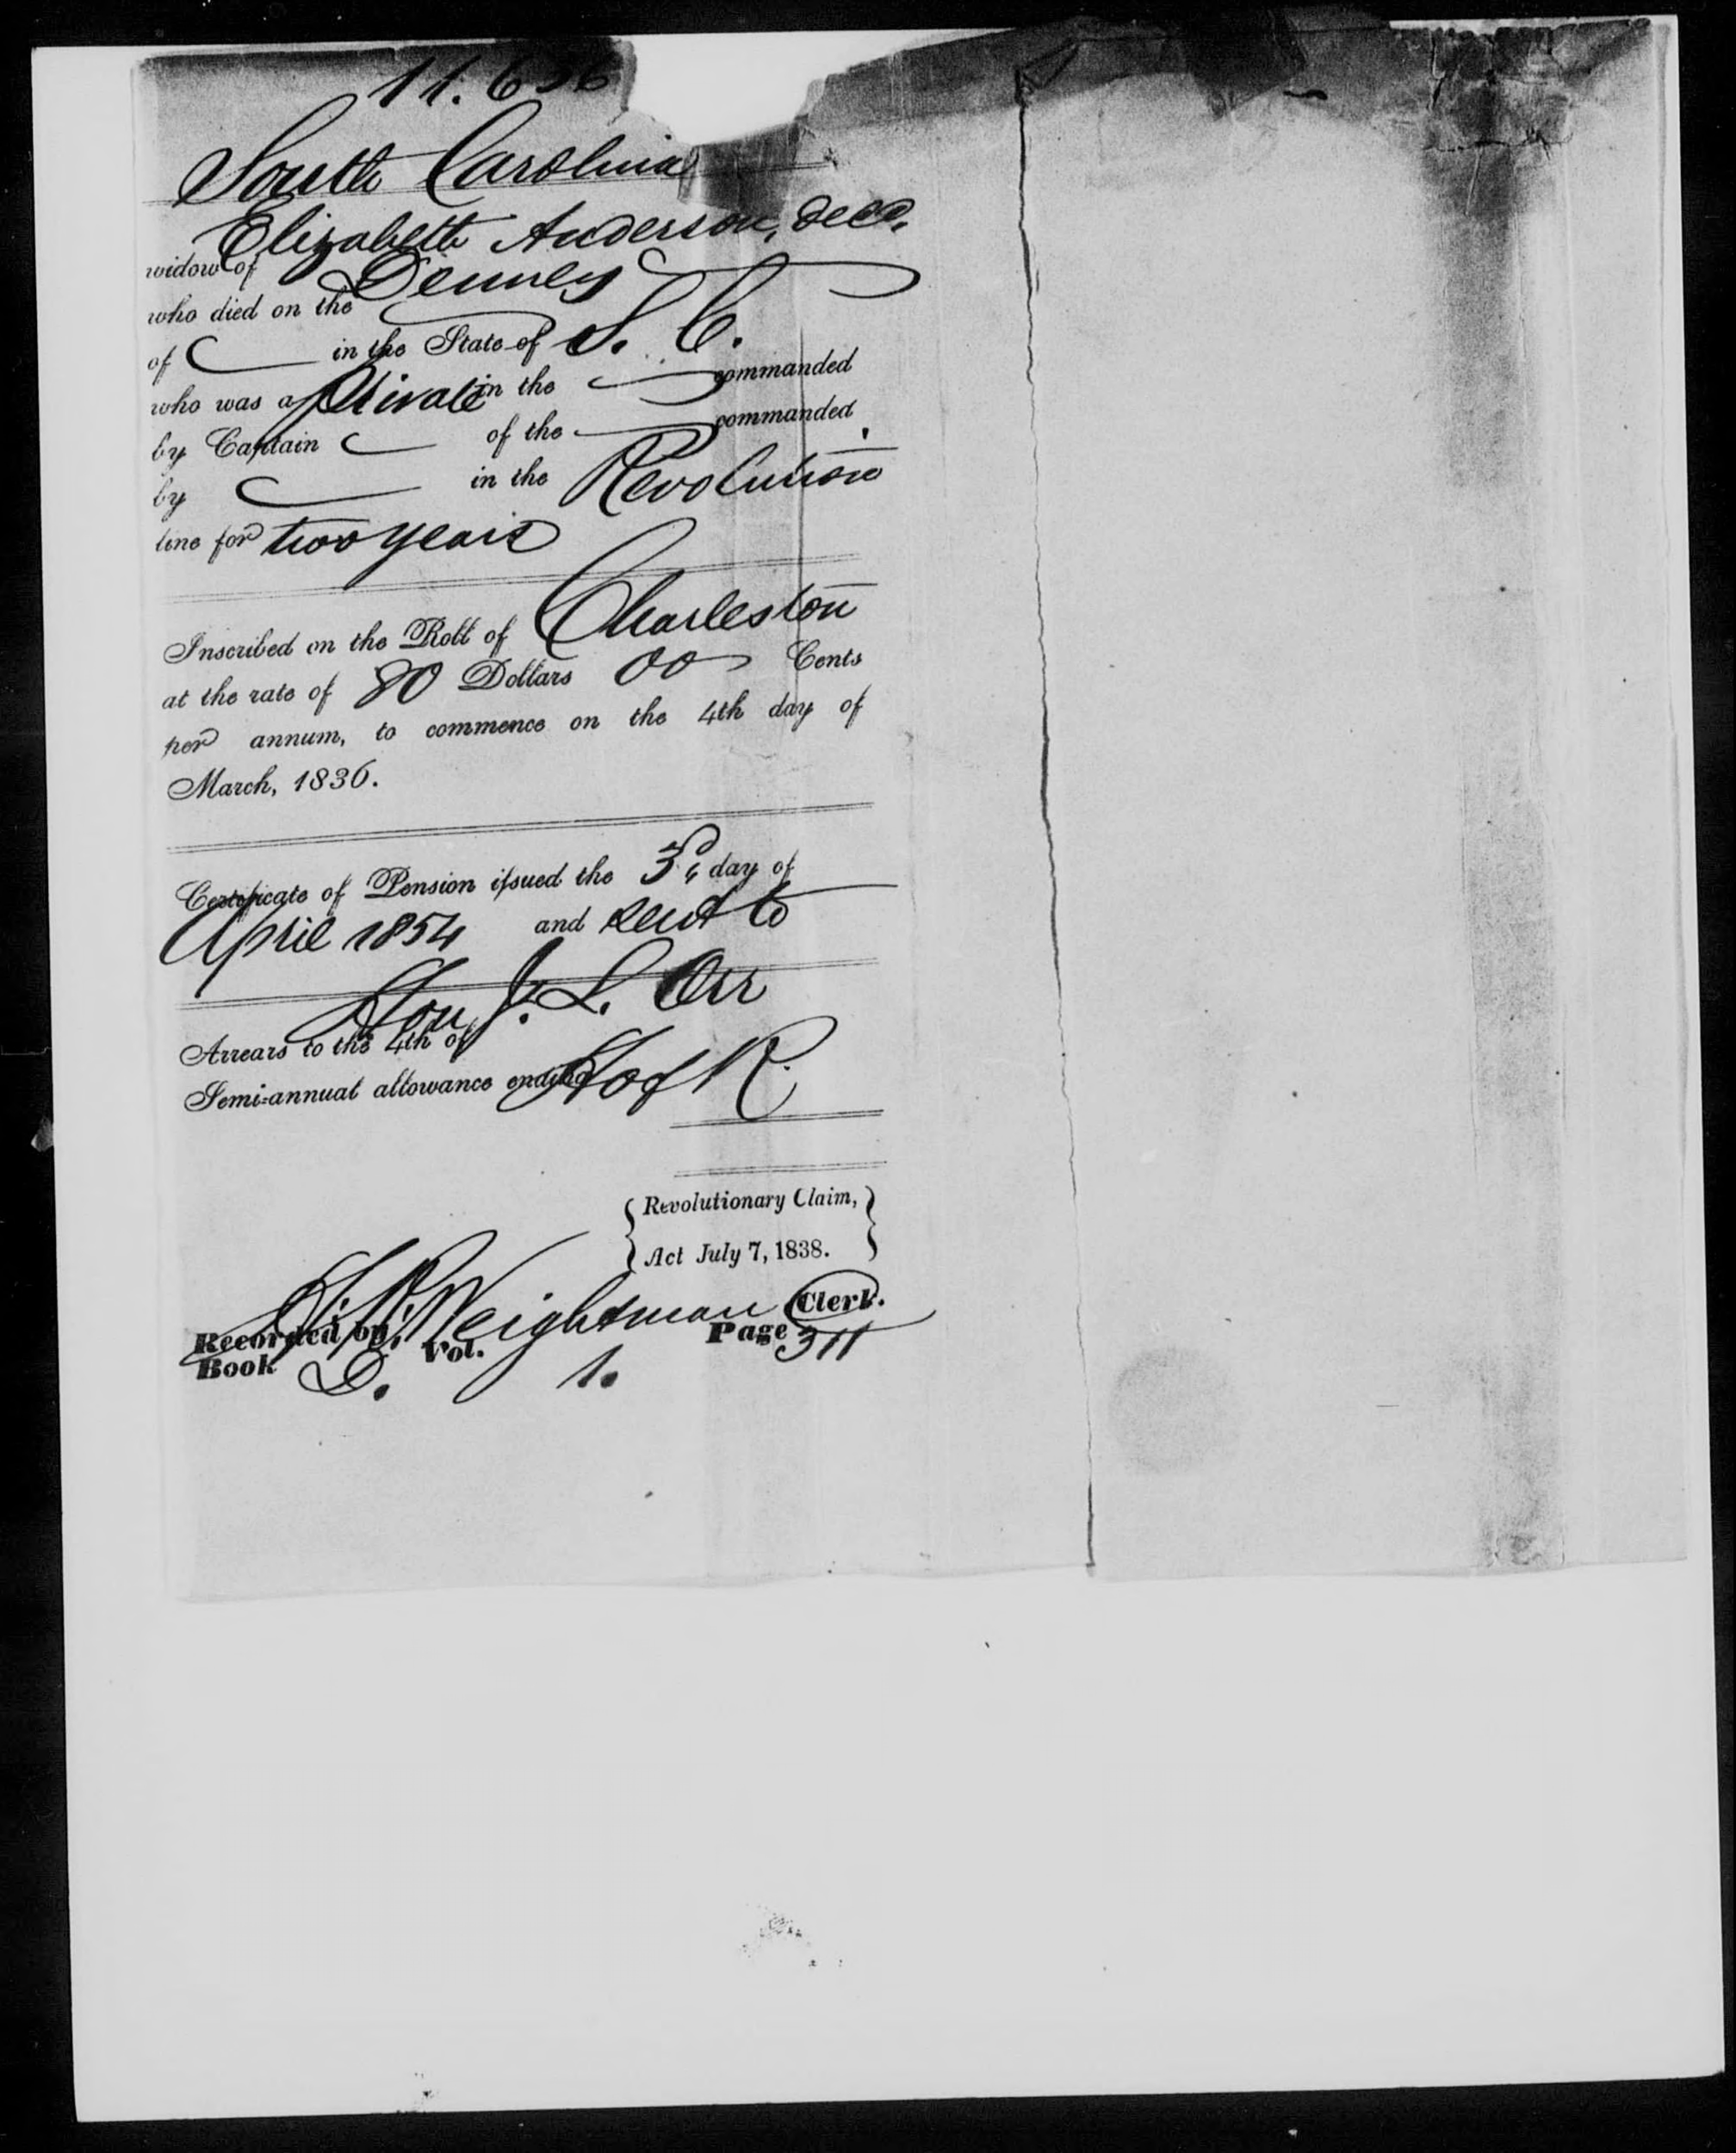11.656
South Carolina
---
Elizabeth Anderson, decd. widow of Denney who died on the - of - in the State of S.C. who was a Private in the - commanded by Captain - of the - commanded by - in the Revolution line for two years
---
Inscribed on the Roll of Charleston at the Rate of 80 Dollars 00 Cents per annum, to commence on the 4th day of March, 1836.
---
Certificate of Pension issued the 3rd day of April 1854 and sent to Hon J. L. Orr
H of R
---
Arrears to the 4th of 
Semi-annual allowance ending 

{Revolutionary Claim, Act July 7, 1838.}

Recorded by H. R. Weightman Clerk.
Book D. Vol. 1. Page 311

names: Denney, J L Orr, Elizabeth Anderson, H R Weightman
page: 22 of 51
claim: widow's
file: W. 9700, Denney Anderson, S.C.